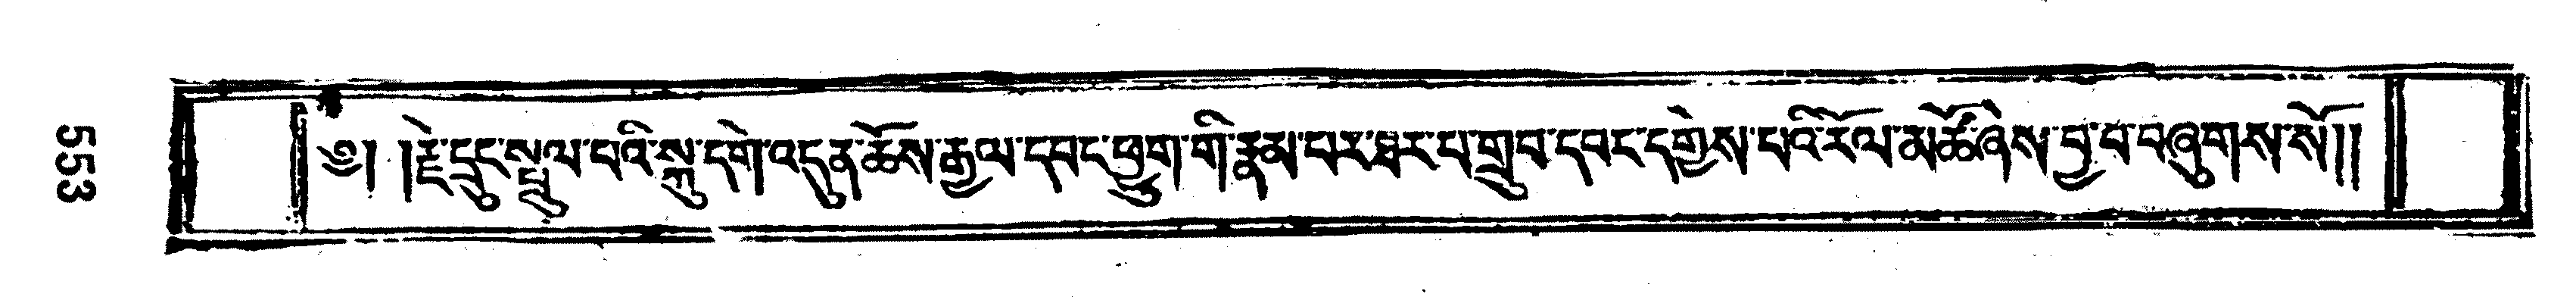༄༅། །རྗེ་དྲུང་སྤྲུལ་པའི་སྐུ་དགེ་འདུན་ཆོས་རྒྱལ་དབང་ཕྱུག་གི་རྣམ་པར་ཐར་པ་གྲུབ་དབང་དགྱེས་པའི་རོལ་མཚོ་ཞེས་བྱ་བ་བཞུགས་སོ།།